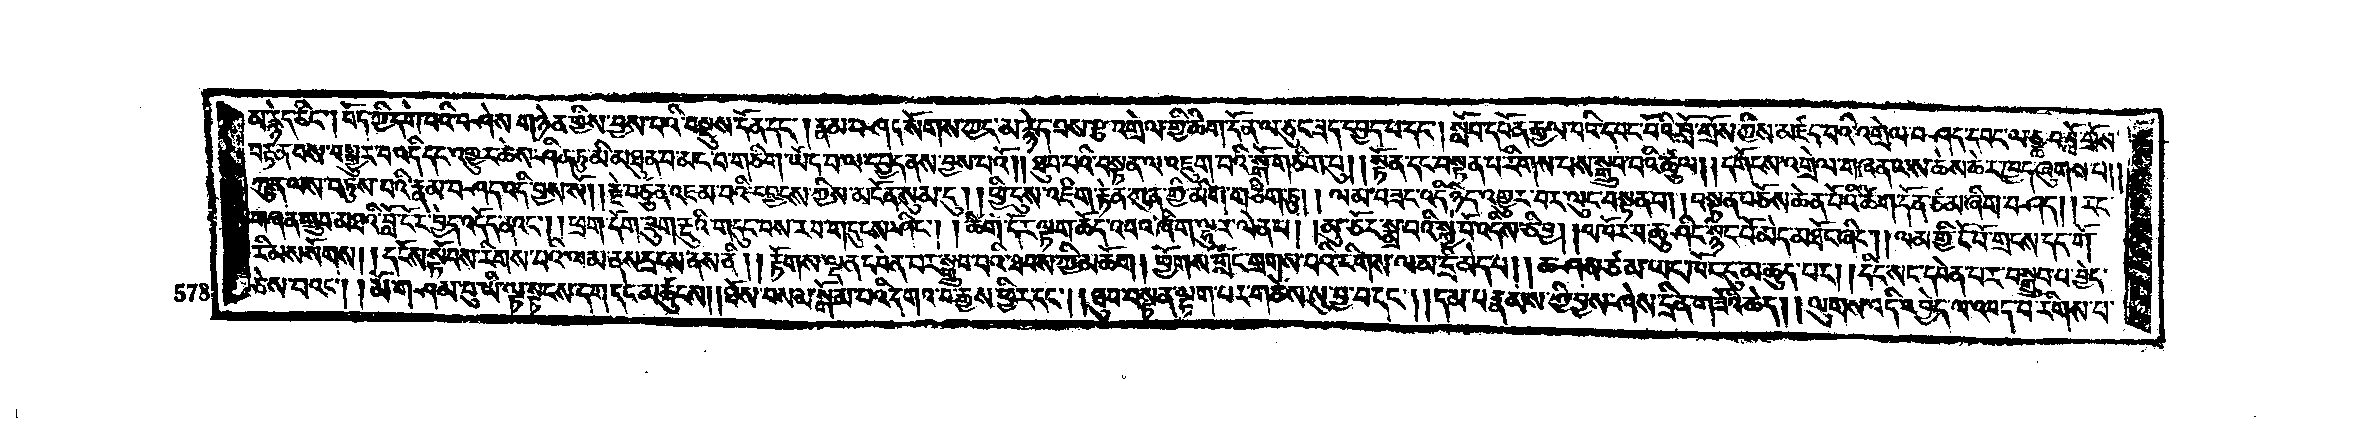མ་རྙེད་ཅིང་། བོད་ཀྱི་དགེ་བའི་བཤེས་གཉེན་གྱིས་བྱས་པའི་བསྡུས་དོན་དང་། རྣམ་བཤད་སོགས་ཀྱང་མ་རྙེད་པས་རྩ་འགྲེལ་གྱི་ཚིག་དོན་ལ་ཅུང་ཟད་དཔྱད་པ་དང་། སློབ་དཔོན་རྒྱལ་པའི་དབང་པོའི་བློ་གྲོས་ཀྱིས་མཛད་པའི་འགྲེལ་བཤད་དབང་ལོ་ཙྪ་བ་བློ་གྲོས་
བརྟན་པས་བསྒྱུར་བ་འདི་དང་འགྱུར་ཆོས་ཤིན་ཏུ་མི་མཐུན་པ་མང་བ་གཅིག་ཡོད་པ་ལ་དཔྱད་ནས་བྱས་པའོ། །ཐུབ་པའི་བསྟན་ལ་འཇུག་པའི་སྒོ་གཅིག་པུ། །སྟོན་དང་བསྟན་པ་རིགས་པས་སྒྲུབ་པའི་ཚུལ། །དགོངས་འགྲེལ་གཞན་ལས་ཆེས་ཆེར་ཁྱད་ཞུགས་པ། །
ཀུན་ལས་བཏུས་པའི་རྣམ་བཤད་འདི་བྱས་སོ། །རྗེ་བཙུན་འཇམ་པའི་དབྱངས་ཀྱིས་མངོན་སུམ་དུ། །ཕྱི་དུས་འཇིག་རྟེན་ཀུན་གྱི་མིག་གཅིག་ཏུ། །ལམ་བཟང་འདི་ཉིད་འགྱུར་བར་ལུང་བསྟན་པ། །བསྟན་བཅོས་ཆེན་པོའི་ཚིག་དོན་ཙམ་ཞིག་བཤད། །རང་
གཞན་གྲུབ་མཐའི་བློ་ངོར་བྱེད་འདོད་ནའང་། །ཕྲག་དོག་ཟུག་རྡུའི?་གདུང་བས་རབ་གདུངས་ཤིང་། །ཚིག་དོར་ལྟག་ཆོད་འབའ་ཞིག་ལྷུར་ལེན་པ། །མུ་ཅོར་སྨྲ་བའི་སྐྱེ་བོ་འདིས་ཅི་བྱ། །འཁོར་བ་ཆུ་ཤིང་སྙིང་པོ་མེད་མཐོང་ཞིང་། །ལམ་གྱི་ངོ་བོ་གྲངས་དང་གོ་
རིམས་སོགས། །དངོས་སྟོབས་རིགས་པའི་ལམ་ནས་དྲངས་ནས་ནི། །རྟོགས་ལྡན་དབེན་པར་སྒྲུབ་པའི་ཐབས་ཀྱི་མཆོག །ཕྱོགས་གླང་གྲགས་པའི་རིགས་ལམ་དྲི་མེད་པ། །ཆ་ཤས་ཙམ་ཡང་ཁོང་དུ་མ་ཆུད་པར། །དིང?་སང་དཔེན་པར་བསྒྲུབ་པ་བྱེད་
ཅེས་པའང་། མོ་གཤམ་བུ་ཡི་ལྟ་སྟངས་དག་དང་མཚུངས། །ཐོས་བསམ་སྒོམ་པའི་དགའ་བ་རྒྱས་ཕྱིར་དང་། །ཐུབ་བསྟན་ལྟག་པར་གཅེས་སུ་བྱ་བ་དང་། །དམ་པ་རྣམས་ཀྱི་བྱས་ཤེས་དྲིན་གཟོའི་ཆེད། །ལུགས་འདི་འབྱེད་ལ་འབད་པ་རིགས་པ་